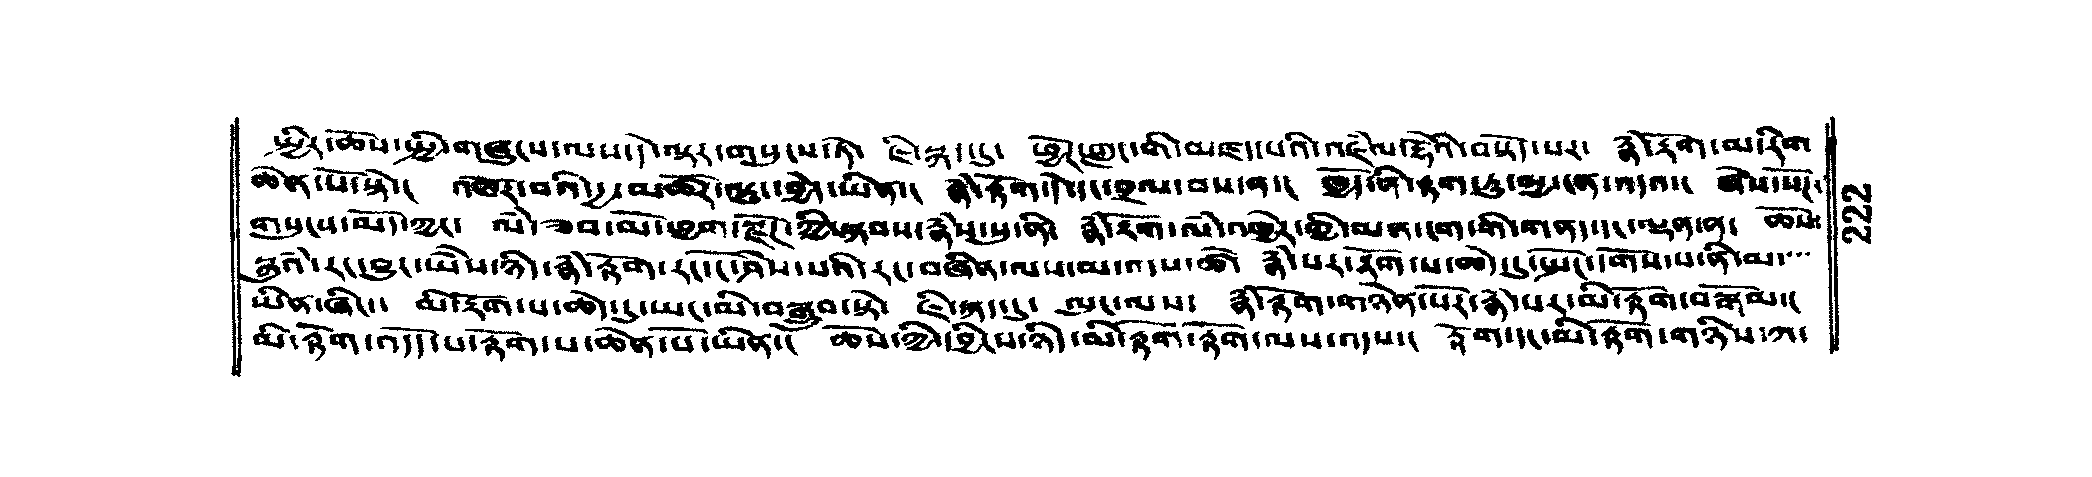སྤྱིར་ཆོས་སྤྱི་གཞུང་ལས་དེ་ལྟར་གསུངས་ཏེ། ཇི་སྐད་དུ། ཕྱོགས་གླང་གི་མཛད་པའི་འཇམ་དཔལ་རྡོ་རྗེའི་བསྟོད་པར། རྣམ་རྟོག་མ་རིག་
ཆེན་པོ་སྟེ། །འཁོར་བའི་རྒྱ་མཚོར་ལྟུང་བྱེད་ཡིན། །རྣམ་རྟོག་དེ་དང་བྲལ་བས་ན། །ཁྱོད་ནི་རྟག་ཏུ་མྱ་ངན་འདའ། ཞེས་སོགས་
གསུངས་མོད་ཀྱང་། ལམ་ཟབ་མོ་ཕྱག་རྫོགས་ཀྱི་སྐབས་རྣམས་སུ་ནི། རྣམ་རྟོག་ལམ་འཁྱེར་གྱི་མན་ངག་གི་གནད་དང་ལྡན་ན། ཆོས་
སྐུའམ་རང་བྱུང་ཡེ་ཤེས་ཉིད་རྣམ་རྟོག་རང་ངོ་ཤེས་པའི་རང་བཞིན་ལས་མ་འདས་ཚེ། རྣམ་པར་རྟོག་པ་ཆེད་དུ་སྤོང་དགོས་པ་ནི་མ་
ཡིན་ཞིང་། མི་རྟོག་པ་ཆེད་དུ་ཡང་མི་བསྒྲུབ་སྟེ། ཇི་སྐད་དུ། ལུང་ལས། རྣམ་རྟོག་གཉེན་པོར་རྣམ་པར་མི་རྟོག་བསྒོམ། །
མི་རྟོག་འདོད་པ་རྟོག་པ་ཆེན་པོ་ཡིན། །ཆོས་ཀྱི་དབྱིངས་ཉིད་མི་རྟོག་རྟོག་ལས་འདས། །རྟོག་དང་མི་རྟོག་གཉིས་ཀ་